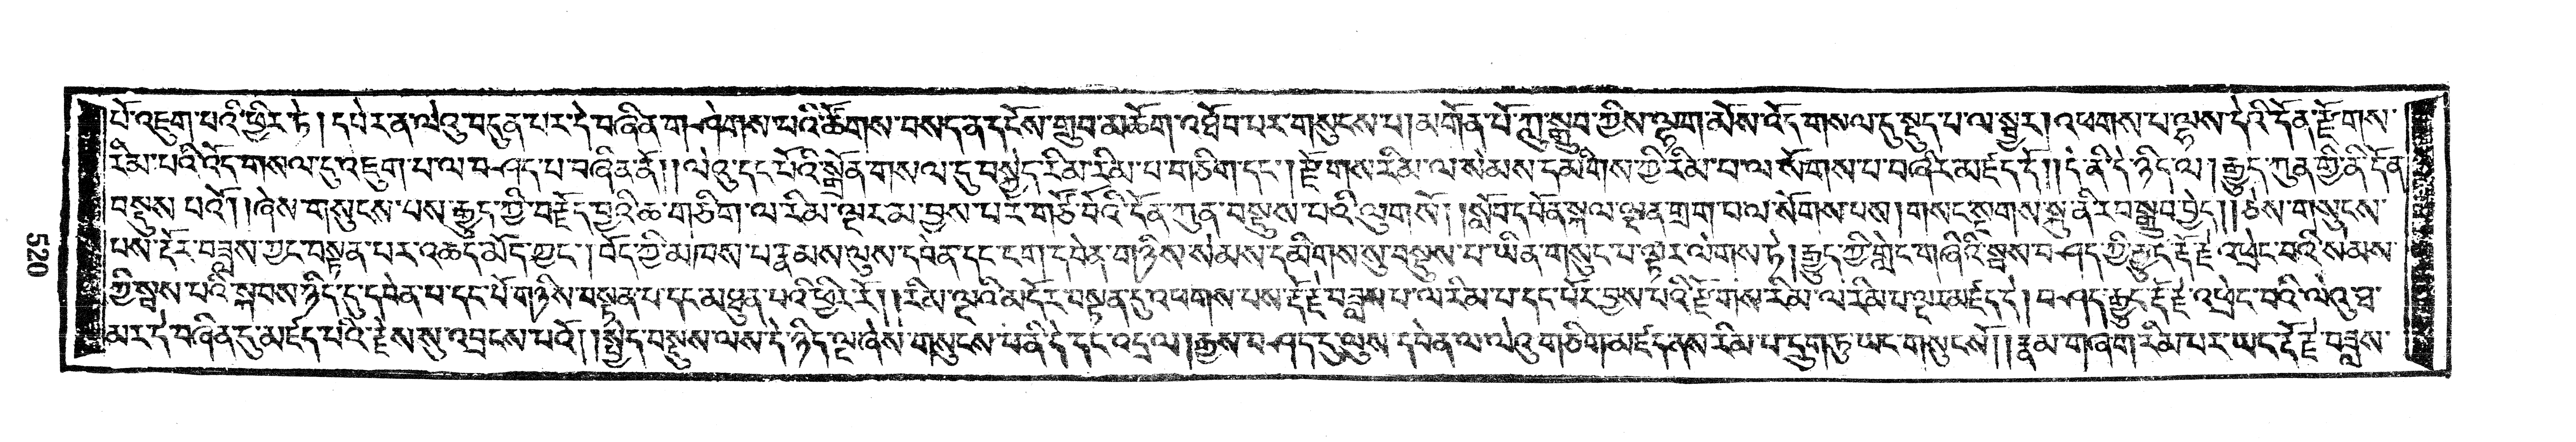པོ་འཇུག་པའི་ཕྱིར་ཏེ། དཔེར་ན་ལེའུ་བདུན་པར་དེ་བཞིན་གཤེགས་པའི་ཚིགས་བསད་ན་དངོས་གྲུབ་མཆོག་འཐོབ་པར་གསུངས་པ། མགོན་པོ་ཀླུ་སྒྲུབ་ཀྱིས་ལྷག་མོས་འོད་གསལ་དུ་སྡུད་པ་ལ་སྦྱར། འཕགས་པ་ལྷས་དེའི་དོན་རྫོགས་
རིམ་པའི་འོད་གསལ་དུ་འཇུག་པ་ལ་བཤད་པ་བཞིན་ནོ། །ལེའུ་དང་པོའི་སྒྲོན་གསལ་དུ་བསྐྱེད་རིམ་རིམ་པ་གཅིག་དང་། རྫོགས་རིམ་ལ་སེམས་དམིགས་ཀྱི་རིམ་པ་ལ་སོགས་པ་བཞིར་མཛད་དོ། །དེ་ནི་དེ་ཉིད་ལ། རྒྱུད་ཀུན་གྱི་ནི་དོན་
བསྡུས་པའོ། །ཞེས་གསུངས་པས་རྒྱུད་ཀྱི་བརྗོད་བྱའི་ཆ་གཅིག་ལ་རིམ་ལྔར་མ་བྱས་པར་གཙོ་བོའི་དོན་ཀུན་བསྡུས་པའི་ལུགས་སོ། །སློབ་དཔོན་སྐལ་ལྡན་གྲག་པ་ལ་སོགས་པས། གསང་སྔགས་སྐུ་ནི་རབ་སྒྲུབ་བྱེད། །ཅེས་གསུངས་
པས་རྡོར་བཟླས་ཀྱང་བསྟན་པར་འཆད་མོད་ཀྱང་། བོད་ཀྱི་མཁས་པ་རྣམས་ལུས་དབེན་དང་ངག་དབེན་གཉིས་སེམས་དམིགས་སུ་བསྡུས་པ་ཡིན་གསུང་པ་ལྟར་ལེགས་ཏེ། རྒྱུད་ཀྱི་གླེང་གཞིའི་སྦས་བཤད་ཀྱི་རྒྱུད་རྡོ་རྗེ་འཕྲེང་བའི་སེམས་
ཀྱི་སྦས་པའི་སྐབས་ཉིད་དུ་དབེན་པ་དང་པ་གཉིས་བསྟན་པ་དང་མཐུན་པའི་ཕྱིར་རོ། །རིམ་ལྔའི་མདོར་བསྟན་དུ་འཕགས་པས་རྡོ་རྗེ་བཟླས་པ་ལ་རིམ་པ་དང་པོར་བྱས་པའི་རྫོགས་རིམ་ལ་རིམ་པ་ལྔར་མཛད་དེ། བཤད་རྒྱུད་རྡོ་རྗེ་འཕྲེང་བའི་ལེའུ་ཐ་
མར་དེ་བཞིན་དུ་མཛད་པའི་རྗེས་སུ་འབྲངས་པའོ། །སྤྱོད་བསྡུས་ལས་དེ་ཉིད་ལྔ་ཞེས་གསུངས་པ་ནི་དེ་དང་འདྲ་ལ། རྒྱས་བཤད་དུ་ལུས་དབེན་ལ་ལེའུ་གཅིག་མཛད་ནས་རིམ་པ་དྲུག་ཏུ་ཡང་གསུངས་སོ། །རྣམ་གཞག་རིམ་པར་ཡང་རྡོ་རྗེ་བཟླས་